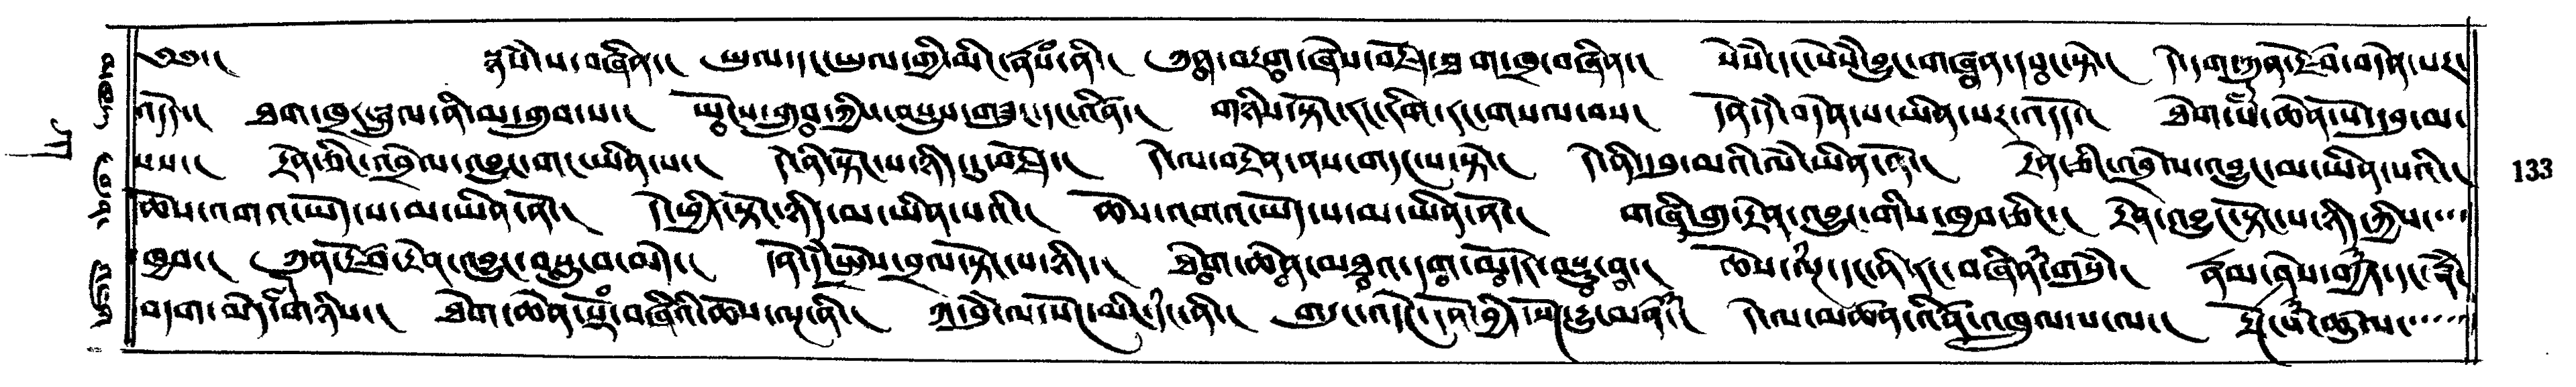སྙམ་པ་བཞིན། །ཡུལ་དང་ཡུལ་གྱི་མིང་རྣམས་ནི། །ཀུན་བརྟགས་ཞེས་བརྗོད་ཐག་ཁྲ་བཞིན། །སེམས་དང་སེམས་བྱུང་གཞན་དབང་སྟེ། །དེ་དག་ཀུན་རྫོབ་བདེན་པར་
འདོད། །ཐག་ཁྲར་སྦྲུལ་ནི་མ་གྲུབ་པ། །ཡོངས་གྲུབ་ཀྱིས་བསྡུས་གཟུང་དང་འཛིན། །གཉིས་སྟོང་རང་རིག་རང་གསལ་བས། །དོན་དམ་བདེན་པ་ཡིན་པར་འདོད། །ཐེག་པ་ཆེན་པོ་དབུ་མ་
པས། །རྟེན་ཅིང་འབྲེལ་འབྱུང་གང་ཡིནཔ། །དེ་ནི་སྟོང་པ་ཉིད་དུ་བརྗོད། །དེ་ལ་བརྟེན་ནས་གདགས་པ་སྟེ། །དེ་ནི་དབུ་མའི་ལམ་ཡིན་ནོ། །རྟེན་ཅིང་འབྲེལ་འབྱུང་མ་ཡིན་པའི། །
ཆོས་འགའ་ཡོད་པ་མ་ཡིན་ནོ། །དེ་ཕྱིར་སྟོང་ཉིད་མ་ཡིན་པའི། །ཆོས་འགའ་ཡོད་པ་མ་ཡིན་ནོ། །གཞི་གྲུབ་རྟེན་འབྱུང་གིས་ཁྱབ་ཅིང་། །རྟེན་འབྱུང་སྟོང་པ་ཉིད་ཀྱིས་
ཁྱབ། །ཀུན་རྫོབ་རྟེན་འབྱུང་བསླུ་བ་མེད། །དོན་དམ་སྤྲོས་བྲལ་སྟོང་པ་ཉིད། །ཐེག་ཆེན་མཐའ་དག་མདོར་བསྡུ་ན། །ཆོས་ལྔ་དང་ནི་རང་བཞིན་གསུམ། །རྣམ་ཤེས་བརྒྱད་དང་རྣམས་
བདག་མེད་གཉིས། །ཐེག་ཆེན་སྡོམ་བཞིའི་ཆོས་ལྔ་ནི། །ཀ་བུམ་ལ་སོགས་མིང་དང་ནི། །གདུང་འདེགས་དོན་བྱེད་སོགས་རྒྱུ་མཚན། །དེ་ལ་མཚན་འཛིན་འཁྲུལ་པ་ལ། །རྟོགས་པ་ཚུལ་